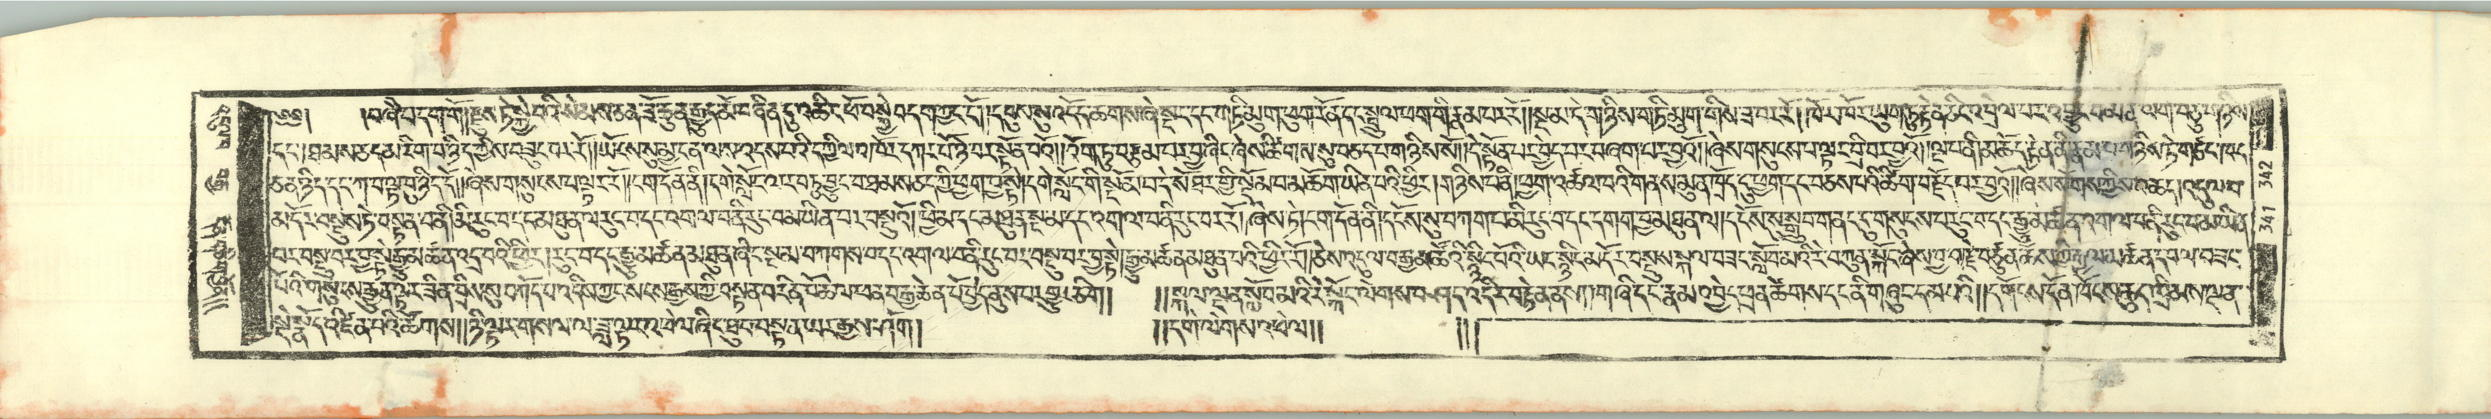༄༅། །བཞི་བདག་གོ །རྫུས་ཏེ་སྐྱེ་བའི་སེམས་ཅན་ཟོ་ཆུན་རྒྱུད་མོ་བཞིན་དུ་འཆིང་ཕོ་བསྐྱེ་བདག་ཀྱང་ངོ། །དབུས་སུ་འདོད་ཆགས་ཞེ་སྡང་དང་གཏི་མུག་ཕུག་རོན་དང་སྦྲུལ་ཕག་གི་རྣམ་པར་རོ། །སྔམ་དེ་གཉིས་གཏི་མུག་གིས་ཟ་བར་རོ། ཁོར་ཁོར་ཡུག་ཏུ་རྟེན་ཅིང་འབྲེལ་བར་འབྱུང་བ་མན་ལག་བཅུ་གཉིས་
དང་། ཐམས་ཅད་མ་རིག་པ་ཉིད་ཀྱིས་བཟུང་བར་རོ། །ཡོངས་སུ་མྱ་ངན་ལས་འདས་པའི་དཀྱིལ་འཁོར་དཀར་པོ་ཉེ་བར་སྟོན་པའོ། །འོག་ཏུ་བརྩམ་པར་བྱ་ཞིང་ཞེས་ཚིགས་སུ་བཅད་པ་གཉིས་སོ། །དེ་སྟོན་པར་བྱེད་པར་བཞག་པར་བྱའོ། །ཞེས་གསུངས་པ་ལྟར་བྲི་བར་བྱའོ། །ལྔ་པ་ནི། མཆོད་རྟེན་ནི་རྣམ་པ་གཉིས་ཏེ་གཙང་ཁང་
ཅན་ཉིད་དང་ཀ་བ་ལྟ་བུ་ཉིད་དོ། །ཞེས་གསུངས་པ་ལྟར་རོ། །ངག་དོན་ནི། དགེ་སློང་ལ་རབ་ཏུ་བྱུང་བ་ཐམས་ཅད་ཀྱི་ཕྱབ་བྱ་སྟེ། དགེ་སློང་གི་སྡོམ་པ་དེ་སོ་ཐར་གྱི་སྡོམ་པ་མཆོག་ཡིན་པའི་ཕྱིར། གཉིས་པ་ནི། ཕྱག་འཚལ་བའི་གནས་མུན་ཁྲོད་དུ་ཕྱག་དང་བཅས་པའི་ཚིག་བརྗོད་པར་བྱའོ། །ཞེས་སོགས་ཀྱིས་འཆད། འདུལ་བ་
མདོར་བསྡུས་ཏེ་བསྟན་པ་ནི། མི་རུང་བ་དང་མཐུན་ལ་རུང་བ་དང་འགལ་བ་ནི་རུང་བ་མ་ཡིན་པར་བསྡུའོ། ཕྱི་མ་དང་མཐུན་སྔ་མ་དང་འགལ་བ་ནི་རུང་བར་རོ། །ཞེས་ཏེ། ངག་དོན་ནི། དངོས་སུ་བཀག་པ་མི་རུང་བ་དང་དགག་བྱ་མཐུན་ལ། དངོས་སུ་སྒྲུབ་གནང་དུ་གསུངས་པ་རུང་བ་དང་རྒྱུ་མཚན་འགལ་པ་ནི་རུང་པ་མ་ཡིན་
བར་བསྡུ་བར་བྱ་སྟེ་རྒྱུ་མཚན་འདྲ་བའི་ཕྱིར། རུང་བ་དང་རྒྱུ་མཚན་མཐུན་ཞིང་སྔ་མ་བཀགས་བ་དང་འགལ་བ་ནི་རུང་བར་བསྡུ་བར་བྱ་སྟེ། རྒྱུ་མཚན་མཐུན་པའི་ཕྱིར་རོ། །ཅེས་འདུལ་བ་བརྒྱ་མཚོའི་སྙིང་པོའི་ཡང་སྙིང་མདོར་བསྡུས་སྐལ་བཟང་སློབ་མའི་རེ་བ་ཀུན་སྐོང་ཞེས་བྱ་བ། རྗེ་བཙུན་ཆོས་ཀྱི་རྒྱལ་མཚན་དཔལ་བཟང་
པོའི་གསུངས་རྒྱུན་ལྟར་ཟིན་བྲིས་སུ་བཀོད་པ་འདིས་ཀྱང་སངས་རྒྱས་ཀྱི་བསྟན་པ་རིན་པོ་ཆེ་ལ་ཕན་བརྒྱ་ཆེན་པོ་བྱེད་ནུས་པར་གྱུར་ཅིག། །།སྐལ་ལྡན་སློབ་མའི་རེ་སྐོང་ལེགས་བཤད་འདིར་བརྟེ་ནས། །གཞི་དང་རྣམ་འབྱེད་ཕྲན་ཚོགས་དང་ནི་གཞན་དམ་པའི། །དགོངས་དོན་ཁོངས་ཆུད་ཁྲིམས་ལྡན་
སྡེ་སྣོད་འཛིན་པའི་ཚོགས། །ཉི་ལྟར་སལ་བ་ཟླ་ལྟར་འཕེལ་ཟིང་ཐུབ་བསྟན་ཡར་རྒྱས་ཤོག། །།དགེ་ལེགས་འཕེལ།། །